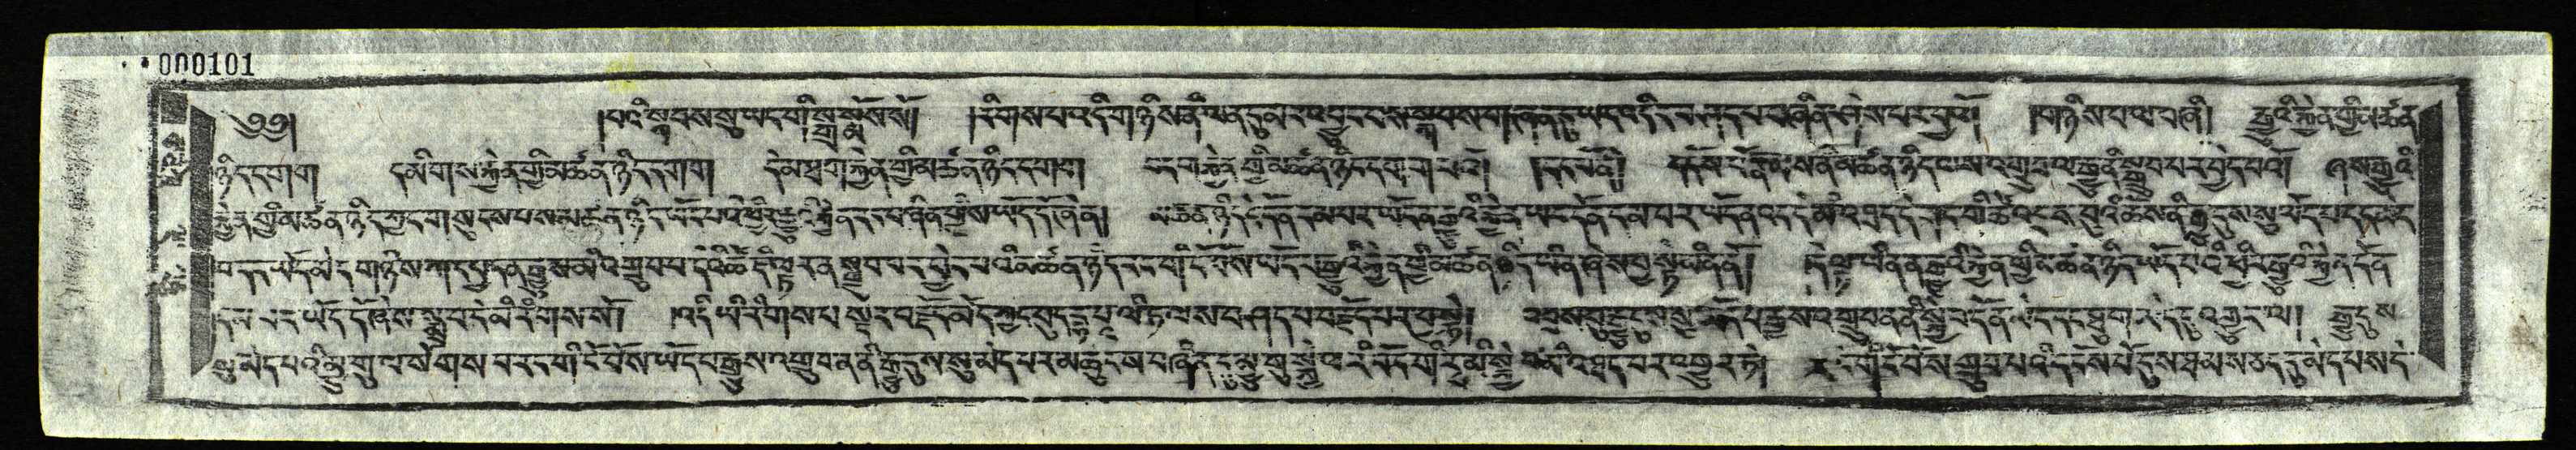༄༅། །པའི་སྐབས་སུ་ཡང་གི་སྒྲ་སྨོས་སོ། །རིགས་པ་འདི་གཉིས་ནི་ལན་དུ་མར་འབྱུང་བས་སྐབས་གཞན་དུ་ཡང་འདིར་བཤད་པ་བཞིན་ཤེས་པར་བྱའོ། །གཉིས་པ་ལ་བཞི། རྒྱུའི་རྐྱེན་གྱི་མཚན་
ཉིད་དགག་དམིགས་རྐྱེན་གྱི་མཚན་ཉིད་དགག་དེ་མ་ཐག་རྐྱེན་གྱི་མཚན་ཉིད་དགག་བདག་རྐྱེན་གྱི་མཚན་ཉིད་དགག་པའོ། །དང་པོ་ནི། དངོས་པོ་རྣམས་ནི་མཚན་ཉིད་ལས་འགྲུབ་ལ་རྒྱུ་ནི་སྒྲུབ་པར་བྱེད་པའོ། ཞེས་རྒྱུའི་
རྐྱེན་གྱི་མཚན་ཉིད་ཀྱང་གསུངས་པས་མཚན་ཉིད་ཡོད་པའི་ཕྱིར་རྒྱུའི་རྐྱེན་རང་བཞིན་གྱིས་ཡོད་དོ་ཞེ་ན། མཚན་ཉིད་དེ་དོན་དམ་པར་ཡོད་ན་རྒྱུའི་རྐྱེན་ཡང་དོན་དམ་པར་ཡོད་ནའང་དེ་མི་འཐད་དེ་གང་གི་ཚེ་འབྲས་བུའི་ཆོས་ནི་རྒྱུ་དུས་སུ་ཡོད་པ་དང་མེད་
པ་དང་ཡོད་མེད་གཉིས་ཀ་དཔྱད་ན་རྒྱུས་མི་འགྲུབ་པ་དེའི་ཚེ་ཇི་ལྟར་ན་སྒྲུབ་པར་བྱེད་པའི་མཚན་ཉིད་རང་གི་ངོ་བོས་ཡོད་པ་རྒྱུའི་རྐྱེན་གྱི་མཚན་ཉིད་ཡིན་ཞེས་བྱ་སྟེ་ཡིན་ནོ། །དེ་ལྟ་ཡིན་ན་རྒྱུའི་རྐྱེན་གྱི་མཚན་ཉིད་ཡོད་པའི་ཕྱིར་རྒྱུའི་རྐྱེན་དོན་
དམ་པར་ཡོད་དོ་ཞེས་སྨྲ་བ་དེ་མི་རིགས་སོ། །འདི་ཡི་རིགས་པ་སྔར་བརྗོད་མོད་ཀྱང་བུད་དྷ་པཱ་ལི་ཏ་ལས་བཤད་པ་བརྗོད་པར་བྱ་སྟེ། འབྲས་བུ་རྒྱུ་དུས་སུ་ཡོད་པ་རྒྱས་འགྲུབ་ན་ནི་སྐྱེ་བ་དོན་མེད་དང་ཐུག་མེད་དུ་འགྱུར་ལ། རྒྱུ་དུས་
སུ་མེད་པའི་མྱུ་གུ་ལ་སོགས་པ་རང་གི་ངོ་བོས་ཡོད་པ་རྒྱུས་འགྲུབ་ན་ནི་རྒྱུ་དུས་སུ་མེད་པར་མཚུངས་བཞིན་དུ་མྱུ་གུ་སྐྱེ་ལ་རི་བོང་གི་རྭ་མི་སྐྱེ་བ་མི་འཐད་བར་འགྱུར་ཏེ། རང་གི་ངོ་བོས་གྲུབ་པའི་དངོས་པོ་དུས་ཐམས་ཅད་དུ་མེད་པས་དེ་